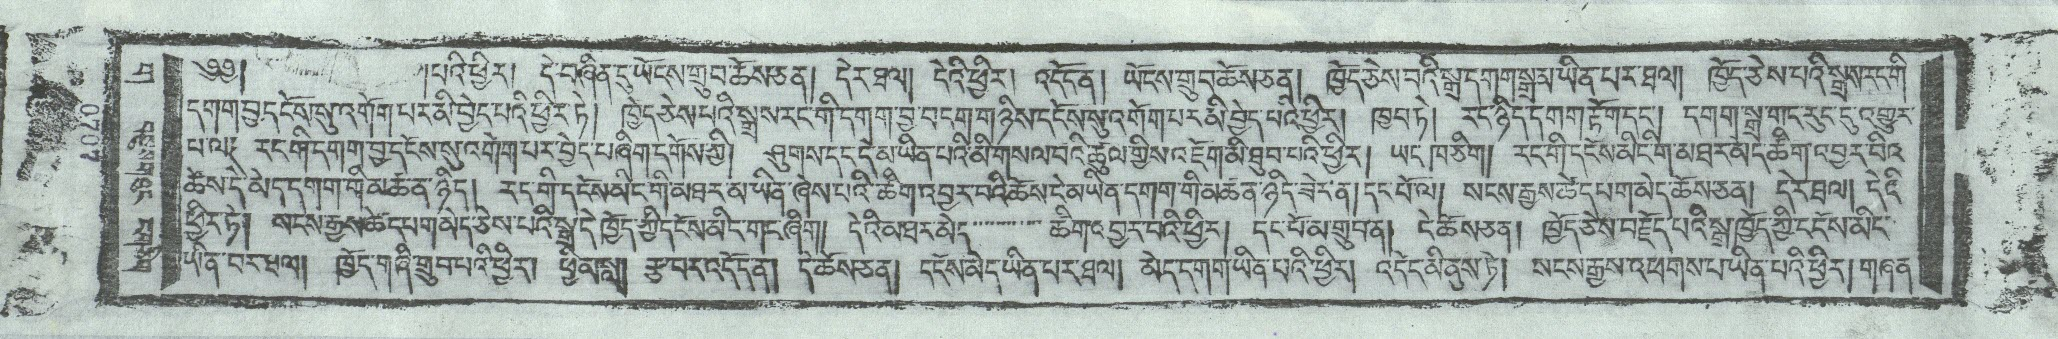༄༅། །པའི་ཕྱིར། དེ་བཞིན་དུ་ཡོངས་གྲུབ་ཆོས་ཅན། དེར་ཐལ། དེའི་ཕྱིར། འདོད་ན། ཡོངས་གྲུབ་ཆོས་ཅན། ཁྱོད་ཅེས་པའི་སྒྲ་དགག་སྒྲ་མ་ཡིན་པར་ཐལ། ཁྱོད་ཅེས་པའི་སྒྲས་རང་གི་
དགག་བྱ་དངོས་སུ་འགོག་པར་མི་བྱེད་པའི་ཕྱིར་ཏེ། ཁྱོད་ཅེས་པའི་སྒྲས་རང་གི་དགག་བྱ་བདག་གཉིས་དངོས་སུ་འགོག་པར་མི་བྱེད་པའི་ཕྱིར། ཁྱབ་ཏེ། རང་ཉིད་དགག་རྟོག་དང་། དགག་སྒྲ་གང་རུང་དུ་འགྱུར་
པ་ལ༑ རང་གི་དགག་བྱ་དངོས་སུ་འགོག་པར་བྱེད་པ་ཞིག་དགོས་ཀྱི། ཤུགས་དང་དེ་མ་ཡིན་པའི་མི་གསལ་བའི་ཚུལ་གྱིས་འཇོག་མི་ཐུབ་པའི་ཕྱིར། ཡང་ཁ་ཅིག། རང་གི་དངོས་མིང་གི་མཐར་མེད་ཚིག་འབྱར་བའི་
ཆོས་དེ་མེད་དགག་གི་མཚན་ཉིད། རང་གི་དངོས་མིང་གི་མཐར་མ་ཡིན་ཞེས་པའི་ཚིག་འབྱར་བའི་ཆོས་དེ་མ་ཡིན་དགག་གི་མཚན་ཉིད་ཟེར་ན། དང་པོ་ལ། སངས་རྒྱས་ཚེ་དཔག་མེད་ཆོས་ཅན། དེར་ཐལ། དེའི་
ཕྱིར་ཏེ། སངས་རྒྱས་ཚེ་དཔག་མེད་ཅེས་པའི་སྒྲ་དེ་ཁྱོད་ཀྱི་དངོས་མིང་གང་ཞིག། དེའི་མཐར་མེད་ཚིག་འབྱར་པའི་ཕྱིར། དང་པོ་མ་གྲུབ་ན། དེ་ཆོས་ཅན། ཁྱོད་ཅེས་བརྗོད་པའི་སྒྲ་ཁྱོད་ཀྱི་དངོས་མིང་
ཡིན་པར་ཐལ། ཁྱོད་གཞི་གྲུབ་པའི་ཕྱིར། ཕྱི་མ་སླ། རྩ་བར་འདོད་ན། དེ་ཆོས་ཅན། དངོས་མེད་ཡིན་པར་ཐལ། མེད་དགག་ཡིན་པའི་ཕྱིར། འདོད་མི་ནུས་ཏེ། སངས་རྒྱས་འཕགས་པ་ཡིན་པའི་ཕྱིར། གཞན་